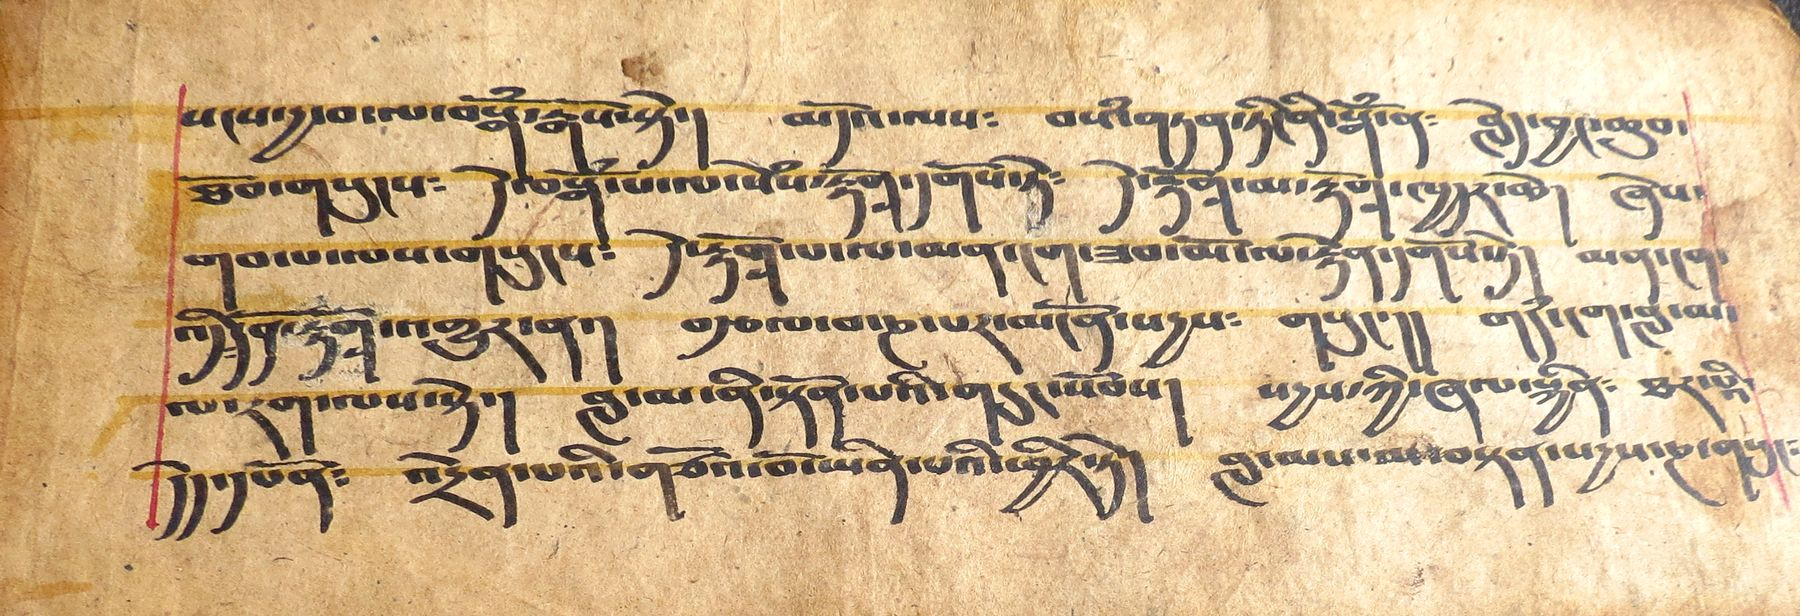སངས་རྒྱ་བ་ལ་སྒོམ་དགོས་ཏེ། མདོ་ལས། བསམ་གཏན་ཏིང་འཛིན་སྒོམ་ན་བླ་མེད་བྱང་ཆུབ་
ཐོབ། གསུངས། དེ་སྒོམ་པ་ལ་སེམས་རྟོགས་དགོས་ཏེ། དེ་རྟོགས་མ་རྟོགས་ཁྱད་པར་ཆེ་ཞེས་
གབ་པ་ལས་གསུངས། དེ་རྟོགས་པ་ལ་མན་ངག་ཟབ་མོ་ལ་བརྟེན་དགོས་ཏེ། མན་ངག་
འདི་དོན་རྟོགས་གྱུར་ན། རྩོལ་བ་མེད་པར་མངོན་སངས་རྒྱས་གསུངས། དེས་ན་གདམས་ངག་བླ་མ་
ལ་རག་ལས་ཏེ། བླ་མ་ནི་སྟོན་པའི་གདུང་སོབ། སངས་རྒྱས་ཀྱི་ཞལ་སྐྱིན། ཐར་པའི་
དེད་དཔོན། འདྲེན་པའི་གཙོ་བོ་ཡིན་པའི་ཕྱིར་ཏེ། བླ་མ་མ་བསྟེན་སངས་རྒྱས་མེད་གསུངས།